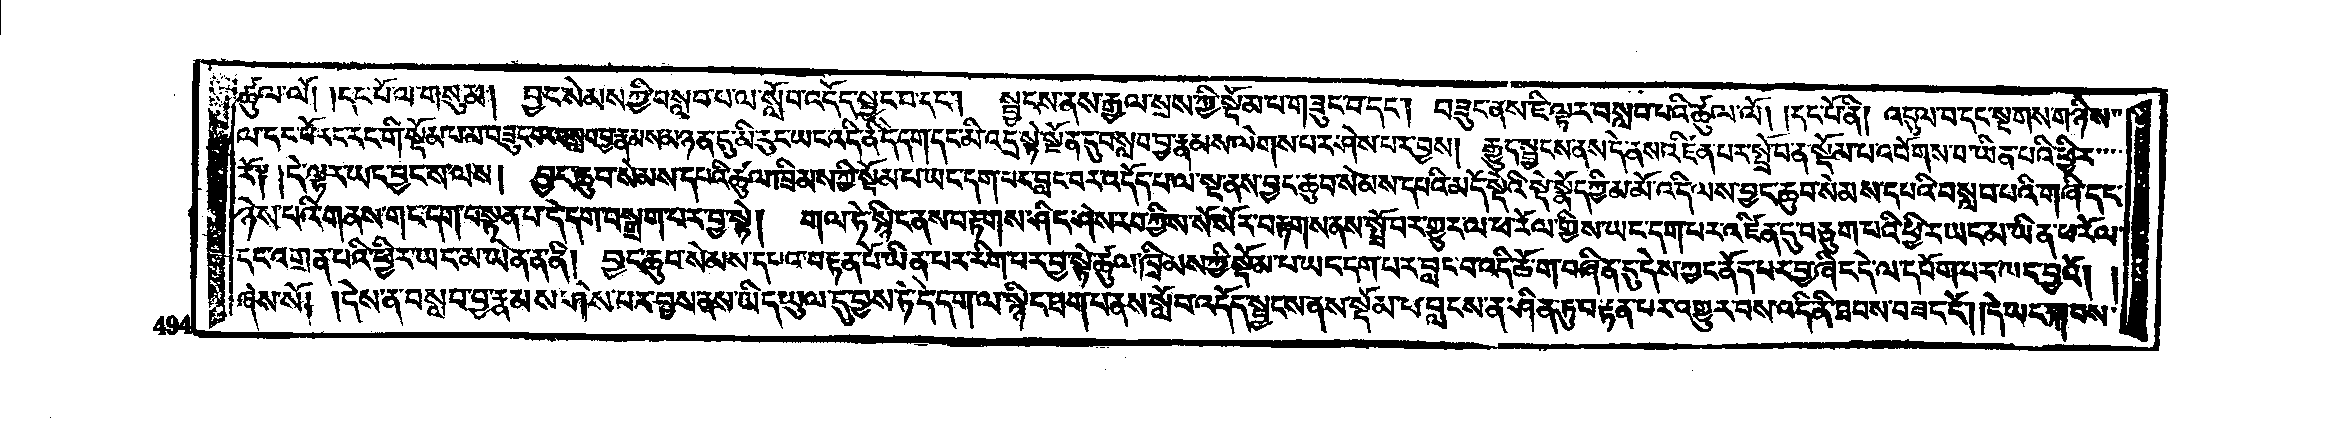ཚུལ་ལོ། །དང་པོ་ལ་གསུམ། བྱང་སེམས་ཀྱི་བསླབ་པ་ལ་སློབ་འདོད་སྦྱང་བ་དང་། སྦྱངས་ནས་རྒྱལ་སྲས་ཀྱི་སྡོམ་པ་གཟུང་བ་དང་། བཟུང་ནས་ཇི་ལྟར་བསླབ་པའི་ཚུལ་ལོ། །དང་པོ་ནི། འདུལ་བ་དང་སྔགས་གཉིས་
ལ་དང་པོ་རང་རང་གི་སྡོམ་པ་མ་བཟུང་བར་བསླབ་བྱ་རྣམས་མཉན་དུ་མི་རུང་ཡང་འདི་ནི་དེ་དག་དང་མི་འདྲ་སྟེ་སྔོན་དུ་བསླབ་བྱ་རྣམས་ལེགས་པར་ཤེས་པར་བྱས། རྒྱུད་སྦྱངས་ནས་དེ་ནས་འཛིན་པར་སྤྲོ་བ་ན་སྡོམ་པ་འབོགས་པ་ཡིན་པའི་ཕྱིར་
རོ༑ ༑དེ་ལྟར་ཡང་བྱང་ས་ལས། བྱང་ཆུབ་སེམས་དཔའི་ཚུལ་ཁྲིམས་ཀྱི་སྡོམ་པ་ཡང་དག་པར་བླང་བར་འདོད་པ་ལ་སྔ་ནས་བྱང་ཆུབ་སེམས་དཔའི་མདོ་སྡེའི་སྡེ་སྣོད་ཀྱི་མ་མོ་འདི་ལས་བྱང་ཆུབ་སེམས་དཔའི་བསླབ་པའི་གཞི་དང་
ཉེས་པའི་གནས་གང་དག་བསྟན་པ་དེ་དག་བསྒྲག་པར་བྱ་སྟེ། གལ་ཏེ་སྙིང་ནས་བརྟགས་ཤིང་ཤེས་རབ་ཀྱིས་སོ་སོར་བརྟགས་ནས་སྤྲོ་བར་གྱུར་ལ་ཕ་རོལ་གྱིས་ཡང་དག་པར་འཛིན་དུ་བཅུག་པའི་ཕྱིར་ཡང་མ་ཡིན་ཕ་རོལ་
དང་འགྲན་པའི་ཕྱིར་ཡང་མ་ཡིན་ན་ནི། བྱང་ཆུབ་སེམས་དཔའ་བརྟན་པོ་ཡིན་པར་རིག་པར་བྱ་སྟེ་ཚུལ་ཁྲིམས་ཀྱི་སྡོམ་པ་ཡང་དག་པར་བླང་བ་འདི་ཆོ་ག་བཞིན་དུ་དེས་ཀྱང་ནོད་པར་བྱ་ཞིང་དེ་ལ་དབོག་པར་ཡང་བྱའོ། །
ཞེས་སོ། །དེས་ན་བསླབ་བྱ་རྣམས་ཤེས་པར་བྱས་ནས་ཡིད་ཡུལ་དུ་བྱས་ཏེ་དེ་དག་ལ་སྙིང་ཐག་པ་ནས་སློབ་འདོད་སྦྱངས་ནས་སྡོམ་པ་བླངས་ན་ཤིན་ཏུ་བརྟན་པར་འགྱུར་བས་འདི་ནི་ཐབས་བཟང་ངོ། །དེ་ཡང་སྐབས་